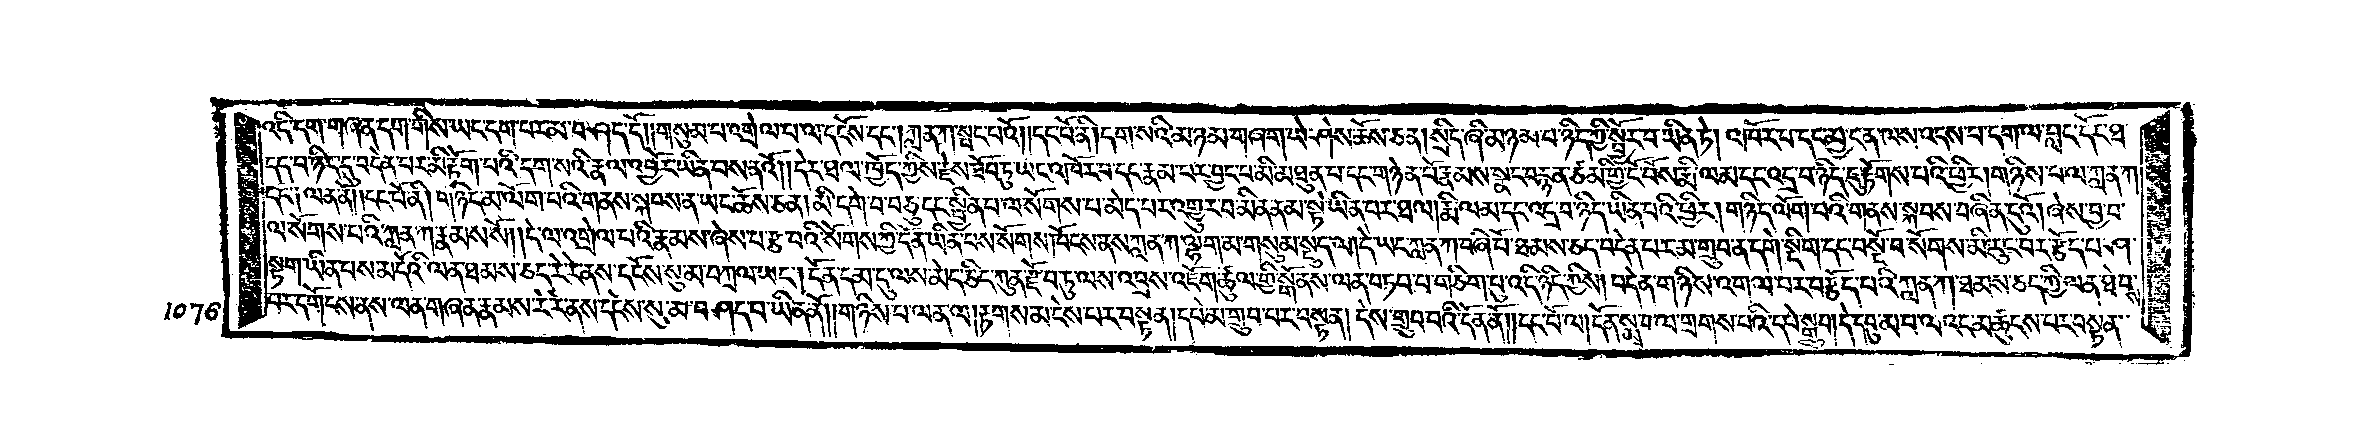འདི་དག་གཞན་དག་གིས་ཡང་དག་པར་མ་བཤད་དོ། །གསུམ་པ་འགྲེལ་པ་ལ་དངོས་དང་། ཀླན་ཀ་སྤང་པའོ། །དང་པོ་ནི། དག་སའི་མཉམ་གཞག་ཡེ་ཤེས་ཆོས་ཅན། སྲིད་ཞི་མཉམ་པ་ཉིད་ཀྱི་སྦྱོར་བ་ཡིན་ཏེ། འཁོར་བ་དང་མྱ་ངན་ལས་འདས་པ་དག་ལ་བླང་དོར་ཐ་
དད་པ་ཉིད་དུ་བདེན་པར་མི་རྟོག་པའི་དག་སའི་རྣལ་འབྱོར་ཡིན་པས་ནའོ། །དེར་ཐལ་ཁྱོད་ཀྱིས་རྗེས་ཐོབ་ཏུ་ཡང་འཁོར་བ་དང་རྣམ་པར་བྱང་པ་མི་མཐུན་པ་དང་གཉེན་པོ་རྣམས་སྣང་བརྙན་ཙམ་གྱི་ངོ་བོས་རྨི་ལམ་དང་འདྲ་བ་ཉིད་དུ་རྟོགས་པའི་ཕྱིར། གཉིས་པ་ལ་ཀླན་ཀ་
དང་། ལན་ནོ། །དང་པོ་ནི། གཉིད་མ་ལོག་པའི་གནས་སྐབས་ན་ཡང་ཆོས་ཅན། མི་དགེ་བ་བཅུ་དང་སྦྱིན་པ་ལ་སོགས་པ་མེད་པར་འགྱུར་བ་མིན་ནམ་སྟེ་ཡིན་པར་ཐལ། རྨི་ལམ་དང་འདྲ་བ་ཉིད་ཡིན་པའི་ཕྱིར། གཉིད་ལོག་པའི་གནས་སྐབས་བཞིན་དུའོ། ཞེས་བྱ་བ་
ལ་སོགས་པའི་ཀླན་ཀ་རྣམས་སོ། །དེ་ལ་འགྲེལ་པའི་རྣམས་ཞེས་པ་རྩ་བའི་སོགས་ཀྱི་དོན་ཡིན་པས་སོགས་ཁོངས་ནས་ཀླན་ཀ་ལྷག་མ་གསུམ་སྡུད་ལ། དེ་ཡང་ཀླན་ཀ་བཞི་པོ་ཐམས་ཅད་བདེན་པར་མ་གྲུབ་ན་དགེ་སྡིག་དང་བསྔོ་བ་སོགས་མི་རུང་བར་རྩོད་པ་ཤ་
སྟག་ཡིན་པས་མདོའི་ལན་ཐམས་ཅད་རེ་རེ་ནས་དངོས་སུ་མ་བཀྲལ་ཡང་། དོན་དམ་དུ་ལས་མེད་ཅིང་ཀུན་རྫོབ་ཏུ་ལས་འབྲས་འཇོག་ཚུལ་གྱི་སྒོ་ནས་ལན་བཏབ་པ་གཅིག་པུ་འདི་ཉིད་ཀྱིས། བདེན་གཉིས་འགལ་བར་བརྩོད་པའི་ཀླན་ཀ་ཐམས་ཅད་ཀྱི་ལན་ཐེབས་
པར་དགོངས་ནས་ལན་གཞན་རྣམས་རེ་རེ་ནས་དངོས་སུ་མ་བཤད་པ་ཡིན་ནོ། །གཉིས་པ་ལན་ལ། རྟགས་མ་ངེས་པར་བསྟན། དཔེ་མ་གྲུབ་པར་བསྟན། དེས་གྲུབ་པའི་དོན་ནོ། །དང་པོ་ལ། དོན་སྨྲ་བ་ལ་གྲགས་པའི་དཔེ་སྒྲུབ། དེ་དབུ་མ་པ་ལའང་མཚུངས་པར་བསྟན་